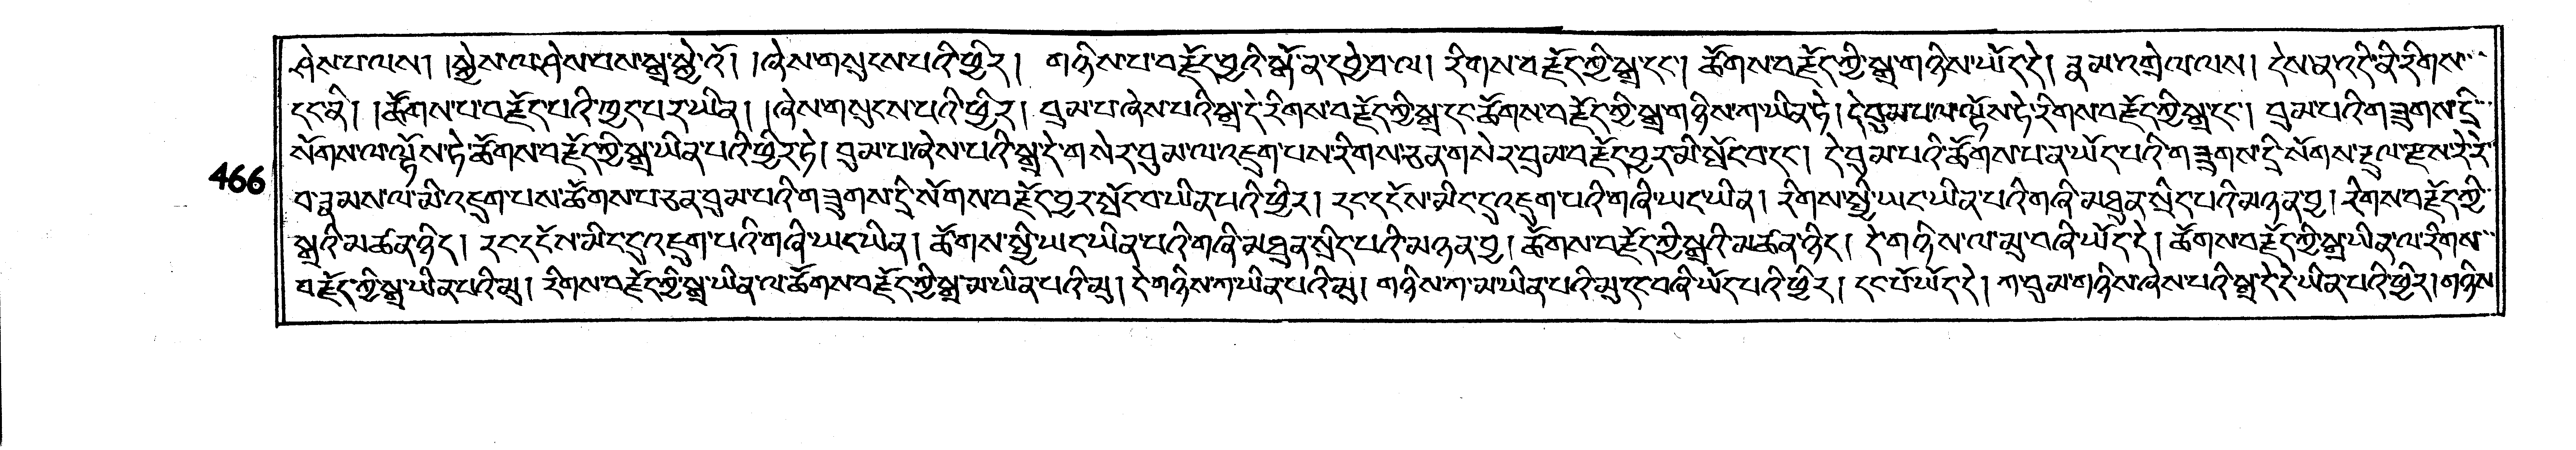ཤེས་པ་ལས། །སྐྱེས་ལ་ཤེས་པས་སྒྲ་སྐྱེ་འོ། །ཞེས་གསུངས་པའི་ཕྱིར། གཉིས་པ་བརྗོད་བྱའི་སྒོ་ན་དབྱེ་བ་ལ། རིགས་བརྗོད་ཀྱི་སྒྲ་དང་། ཚོགས་བརྗོད་ཀྱི་སྒྲ་གཉིས་ཡོད་དེ། རྣམ་འགྲེལ་ལས། དེས་ན་འདི་ནི་རིགས་
དང་ནི། །ཚོགས་པ་བརྗོད་པའི་ཁྱད་པར་ཡིན། །ཞེས་གསུངས་པའི་ཕྱིར། བུམ་པ་ཞེས་པའི་སྒྲ་དེ་རིགས་བརྗོད་ཀྱི་སྒྲ་དང་ཚོགས་བརྗོད་ཀྱི་སྒྲ་གཉིས་ཀ་ཡིན་ཏེ། དེ་བུམ་པ་ལ་ལྟོས་ཏེ་རིགས་བརྗོད་ཀྱི་སྒྲ་དང་། བུམ་པའི་གཟུགས་དྲི་
སོགས་ལ་ལྟོས་ཏེ་ཚོགས་བརྗོད་ཀྱི་སྒྲ་ཡིན་པའི་ཕྱིར་ཏེ། བུམ་པ་ཞེས་པའི་སྒྲྭ་དེ་གསེར་བུམ་ལ་འཇུག་པས་རིགས་ཅན་གསེར་བུམ་བརྗོད་བྱར་མི་སྤོང་བ་དང་། དེ་བུམ་པའི་ཚོགས་པ་ན་ཡོད་པའི་གཟུགས་དྲི་སོགས་རྡུལ་རྫས་རེ་རེ་
བ་རྣམས་ལ་མི་འཇུག་པས་ཚོགས་པ་ཅན་བུམ་པའི་གཟུགས་དྲི་སོགས་བརྗོད་བྱར་སྤོང་བ་ཡིན་པའི་ཕྱིར། རང་དངོས་མིང་དུ་འཇུག་པའི་གཞི་ཡང་ཡིན། རིགས་སྤྱི་ཡང་ཡིན་པའི་གཞི་མཐུན་སྲིད་པའི་མཉན་བྱ། རིགས་བརྗོད་ཀྱི་
སྒྲའི་མཚན་ཉིད། རང་དངོས་མིང་དུ་འཇུག་པའི་གཞི་ཡང་ཡིན། ཚོགས་སྤྱི་ཡང་ཡིན་པའི་གཞི་མཐུན་སྲིད་པའི་མཉན་བྱ། ཚོགས་བརྗོད་ཀྱི་སྒྲའི་མཚན་ཉིད། དེ་གཉིས་ལ་མུ་བཞི་ཡོད་དེ། ཚོགས་བརྗོད་ཀྱི་སྒྲ་ཡིན་ལ་རིགས་
བརྗོད་ཀྱི་སྒྲ་ཡིན་པའི་མུ། རིགས་བརྗོད་ཀྱི་སྒྲ་ཡིན་ལ་ཚོགས་བརྗོད་ཀྱི་སྒྲ་མ་ཡིན་པའི་མུ། དེ་གཉིས་ཀ་ཡིན་པའི་མུ། གཉིས་ཀ་མ་ཡིན་པའི་མུ་དང་བཞི་ཡོད་པའི་ཕྱིར། དང་པོ་ཡོད་དེ། ཀ་བུམ་གཉིས་ཞེས་པའི་སྒྲ་དེ་དེ་ཡིན་པའི་ཕྱིར། གཉིས་